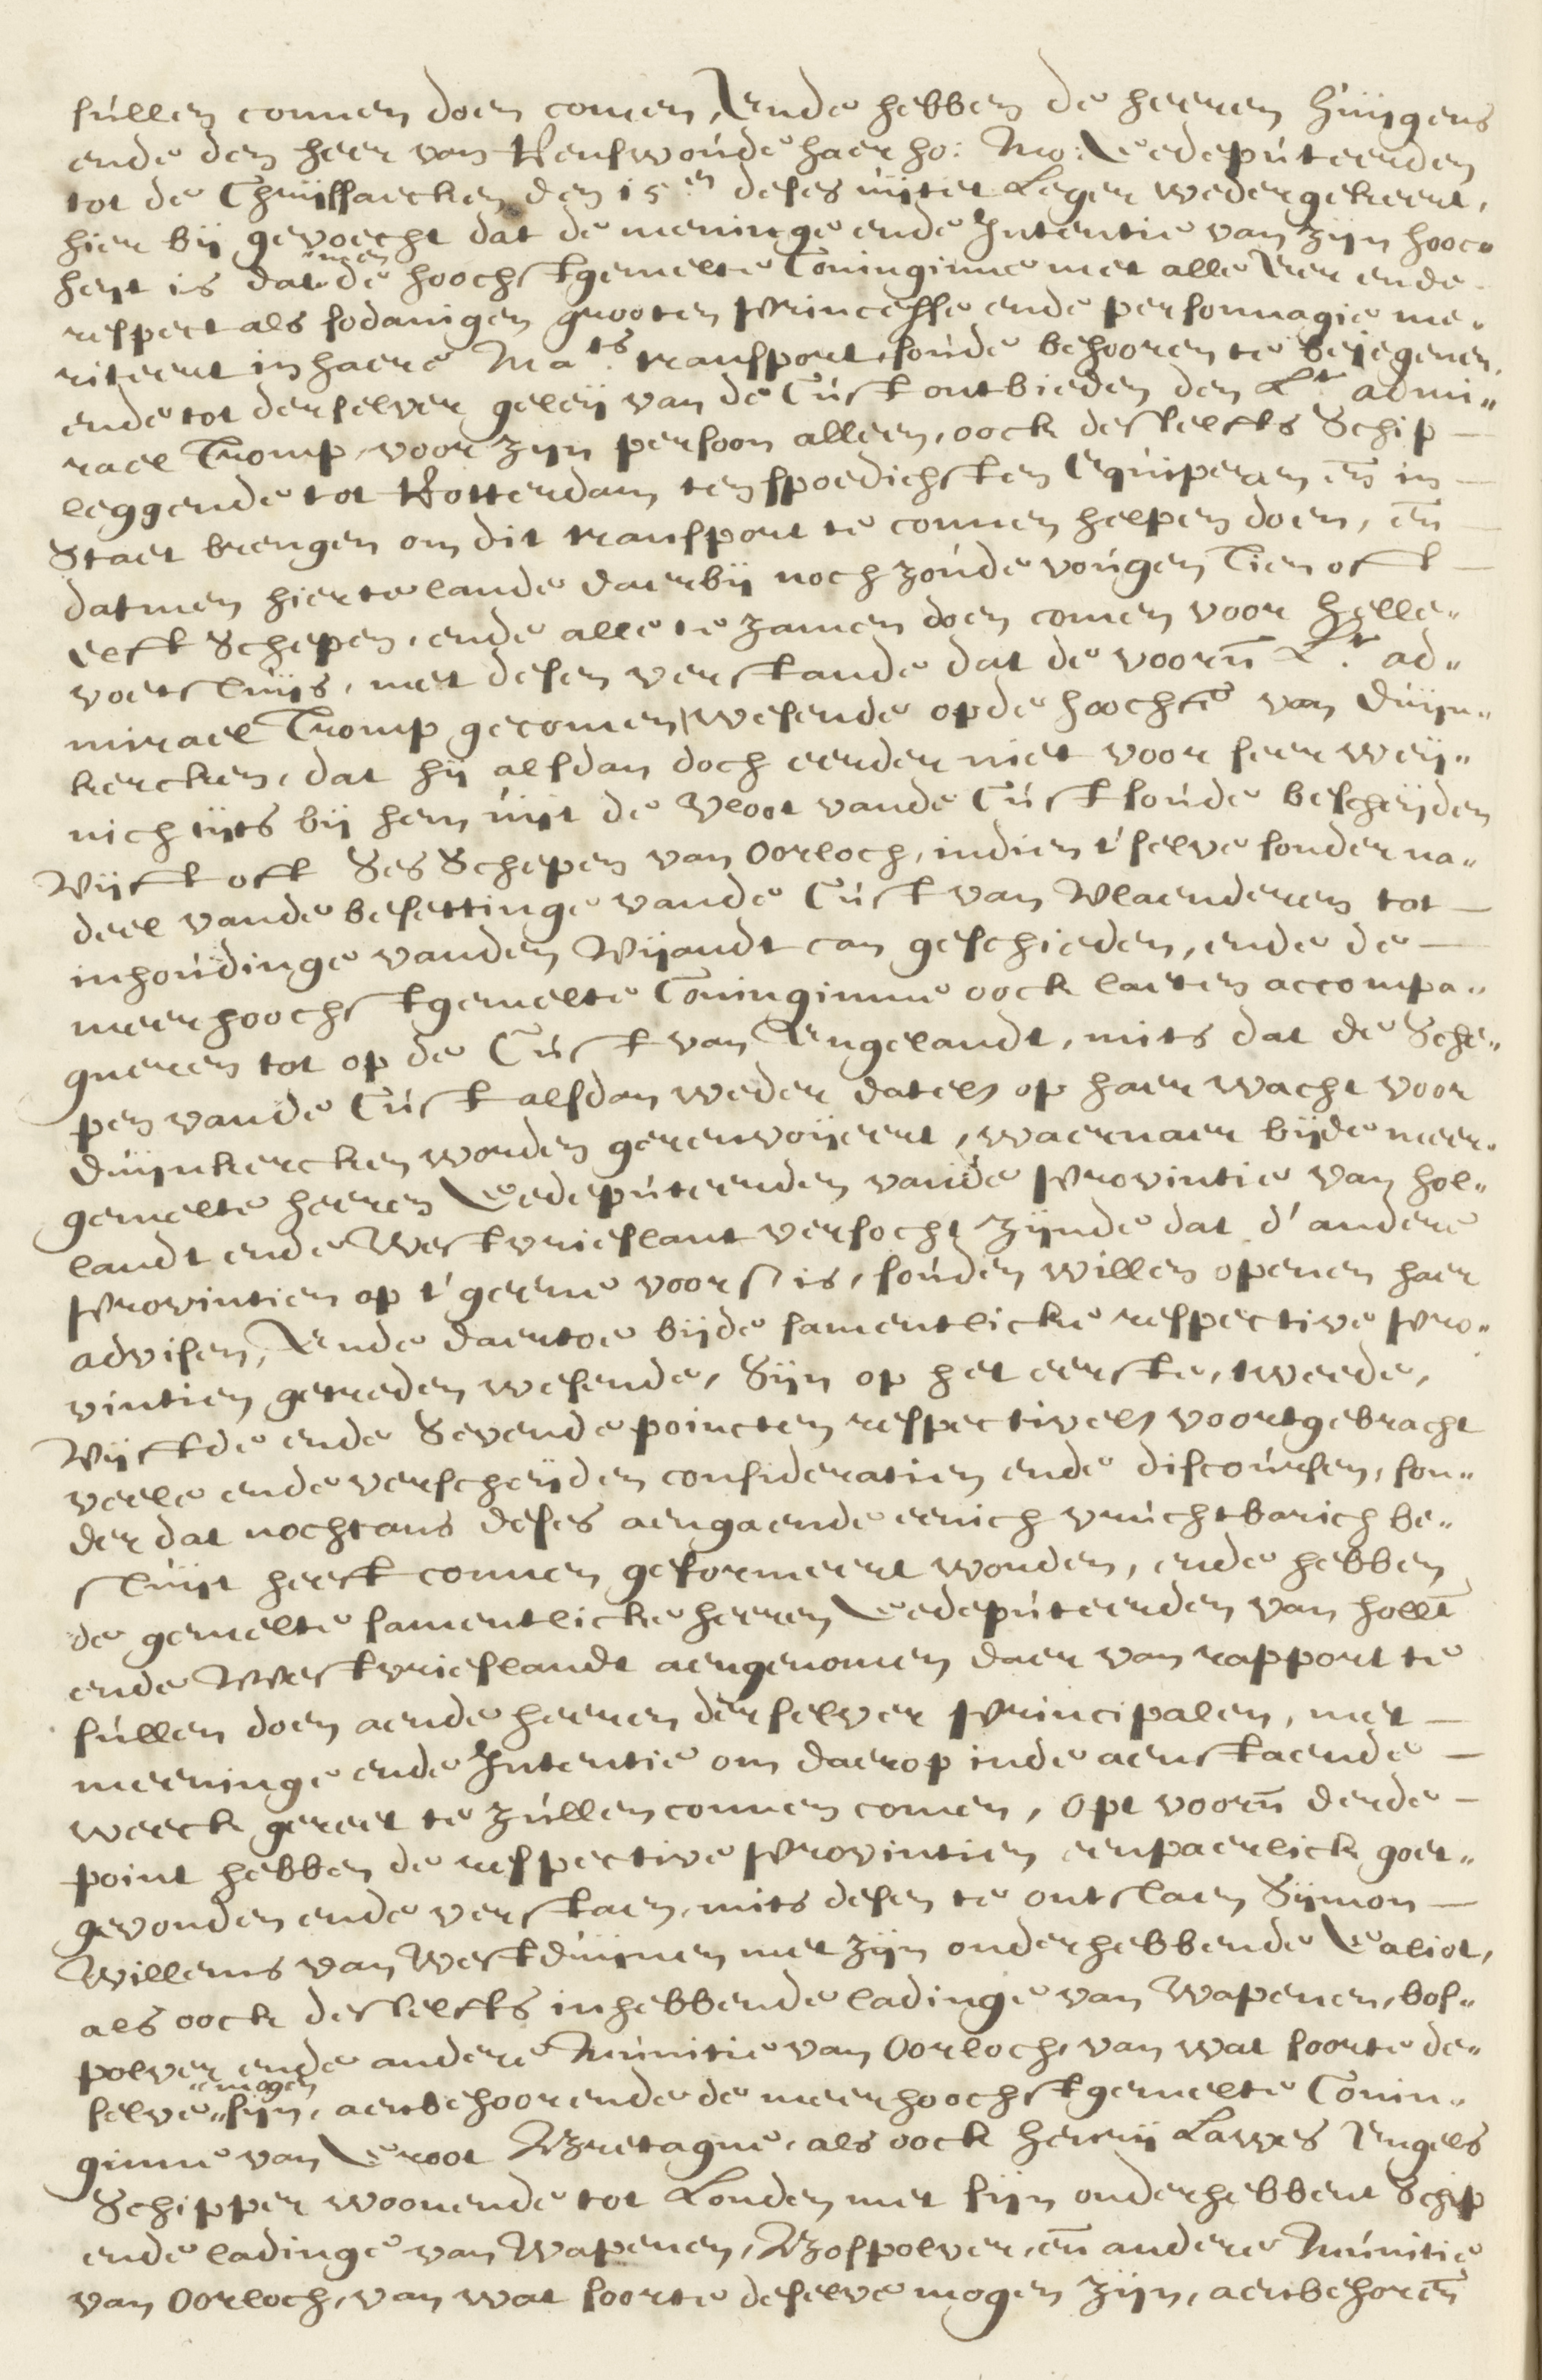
sullen connen doen comen, Ende hebben de heeren huijgens
ende den heer van Renswoude haer ho:Mo: Gedeputeerden
tot de Chuijssaecken den 15en deses uijtet Leger wedergekeert,
hier bij gevoecht dat de meninge ende Intentie van zijn hooc,,
heyt is dat de hoochstgemelte Coninginne met alle Eer ende
respect als sodanigen grooten Princesse ende personnagie me,,
riteert in haere Mats. transport, soude behooren te bejegenen,
ende tot derselver geleij van de Cust ontbieden den Lt admi,,
rael Tromp voor zijn persoon alleen, oock desselffs Schip
leggende tot Rotterdam ten spoedichsten Equiperen en in
Staet brengen om dit transport te connen helpen doen, en
datmen hier te lande daerbij noch zoude vougen Tien off
elff schepen, ende alle te zamen doen comen voor helle,,
voetsluijs, met desen verstande dat de voorn Lt. ad,,
mirael Tromp gecomen, wesende opde hoochte van Duijn,,
kercken, dat hij alsdan doch eerder niet voor seer weij,,
nich tijts bij hem uijt de Vloot vande Cust soude bescheijden
Vijff off ses schepen van oorloch, indien t'selve sonder na,,
deel vande besettinge vande Cust van Vlaenderen tot
inhoudinge vanden Vijandt can geschieden, ende de
meer hoochstgemelte Coninginne oock laeten accompa,,
gneren tot op de Cust van Engelandt, mits dat de sche,,
pen vande Cust alsdan weder datel op haer wacht voor
Duijnkercken worden gerenvoijeert, waernaer bijde meer,,
gemelte heeren Gedeputeerden vande provintie van hol,,
landt ende Westvrieslant versocht zijnde dat d'andere
provintien op t'geene voors. is, souden willen openen haer
advisen. Ende daertoe bijde samentlicke respective pro,,
vintien getreden wesende, sijn op het eerste, tweede,
Vijffde ende sevende poincten respectivel voortgebracht
veele ende verscheijden consideratien ende discoursen, son,,
der dat nochtans deses aengaende eenich vruchtbarich be,,
sluijt heeft connen geformeert worden, ende hebben
de gemelte samentlicke heeren Gedeputeerden van hollt
ende Westvrieslandt aengenomen daer van rapport te
sullen doen aende heeren derselver principalen, met
meeninge ende Intentie om daerop inde aenstaende
weeck gereet te zullen connen comen, opt voorn derde
point hebben de respective provintien eenpaerlick goet,,
gevonden ende verstaen, mits desen te ontslaen Symon
Willems van Westduijnen met zijn onderhebbende Galiot
als oock desselffs inhebbende ladinge van wapenen, bos,,
polver ende andere munitie van oorloch van wat soorte de,,
selve mogen sijn, aenbehoorende de meerhoochstgemelte Conin,,
ginne van Groot Bretagne, als oock henrij Lawes Engels
schipper woonende tot Londen met sijn onderhebbene schip
ende ladinge van wapenen, Bospolver, en andere munitie
van oorloch, van wat soorte deselve mogen zijn, aenbehoren
